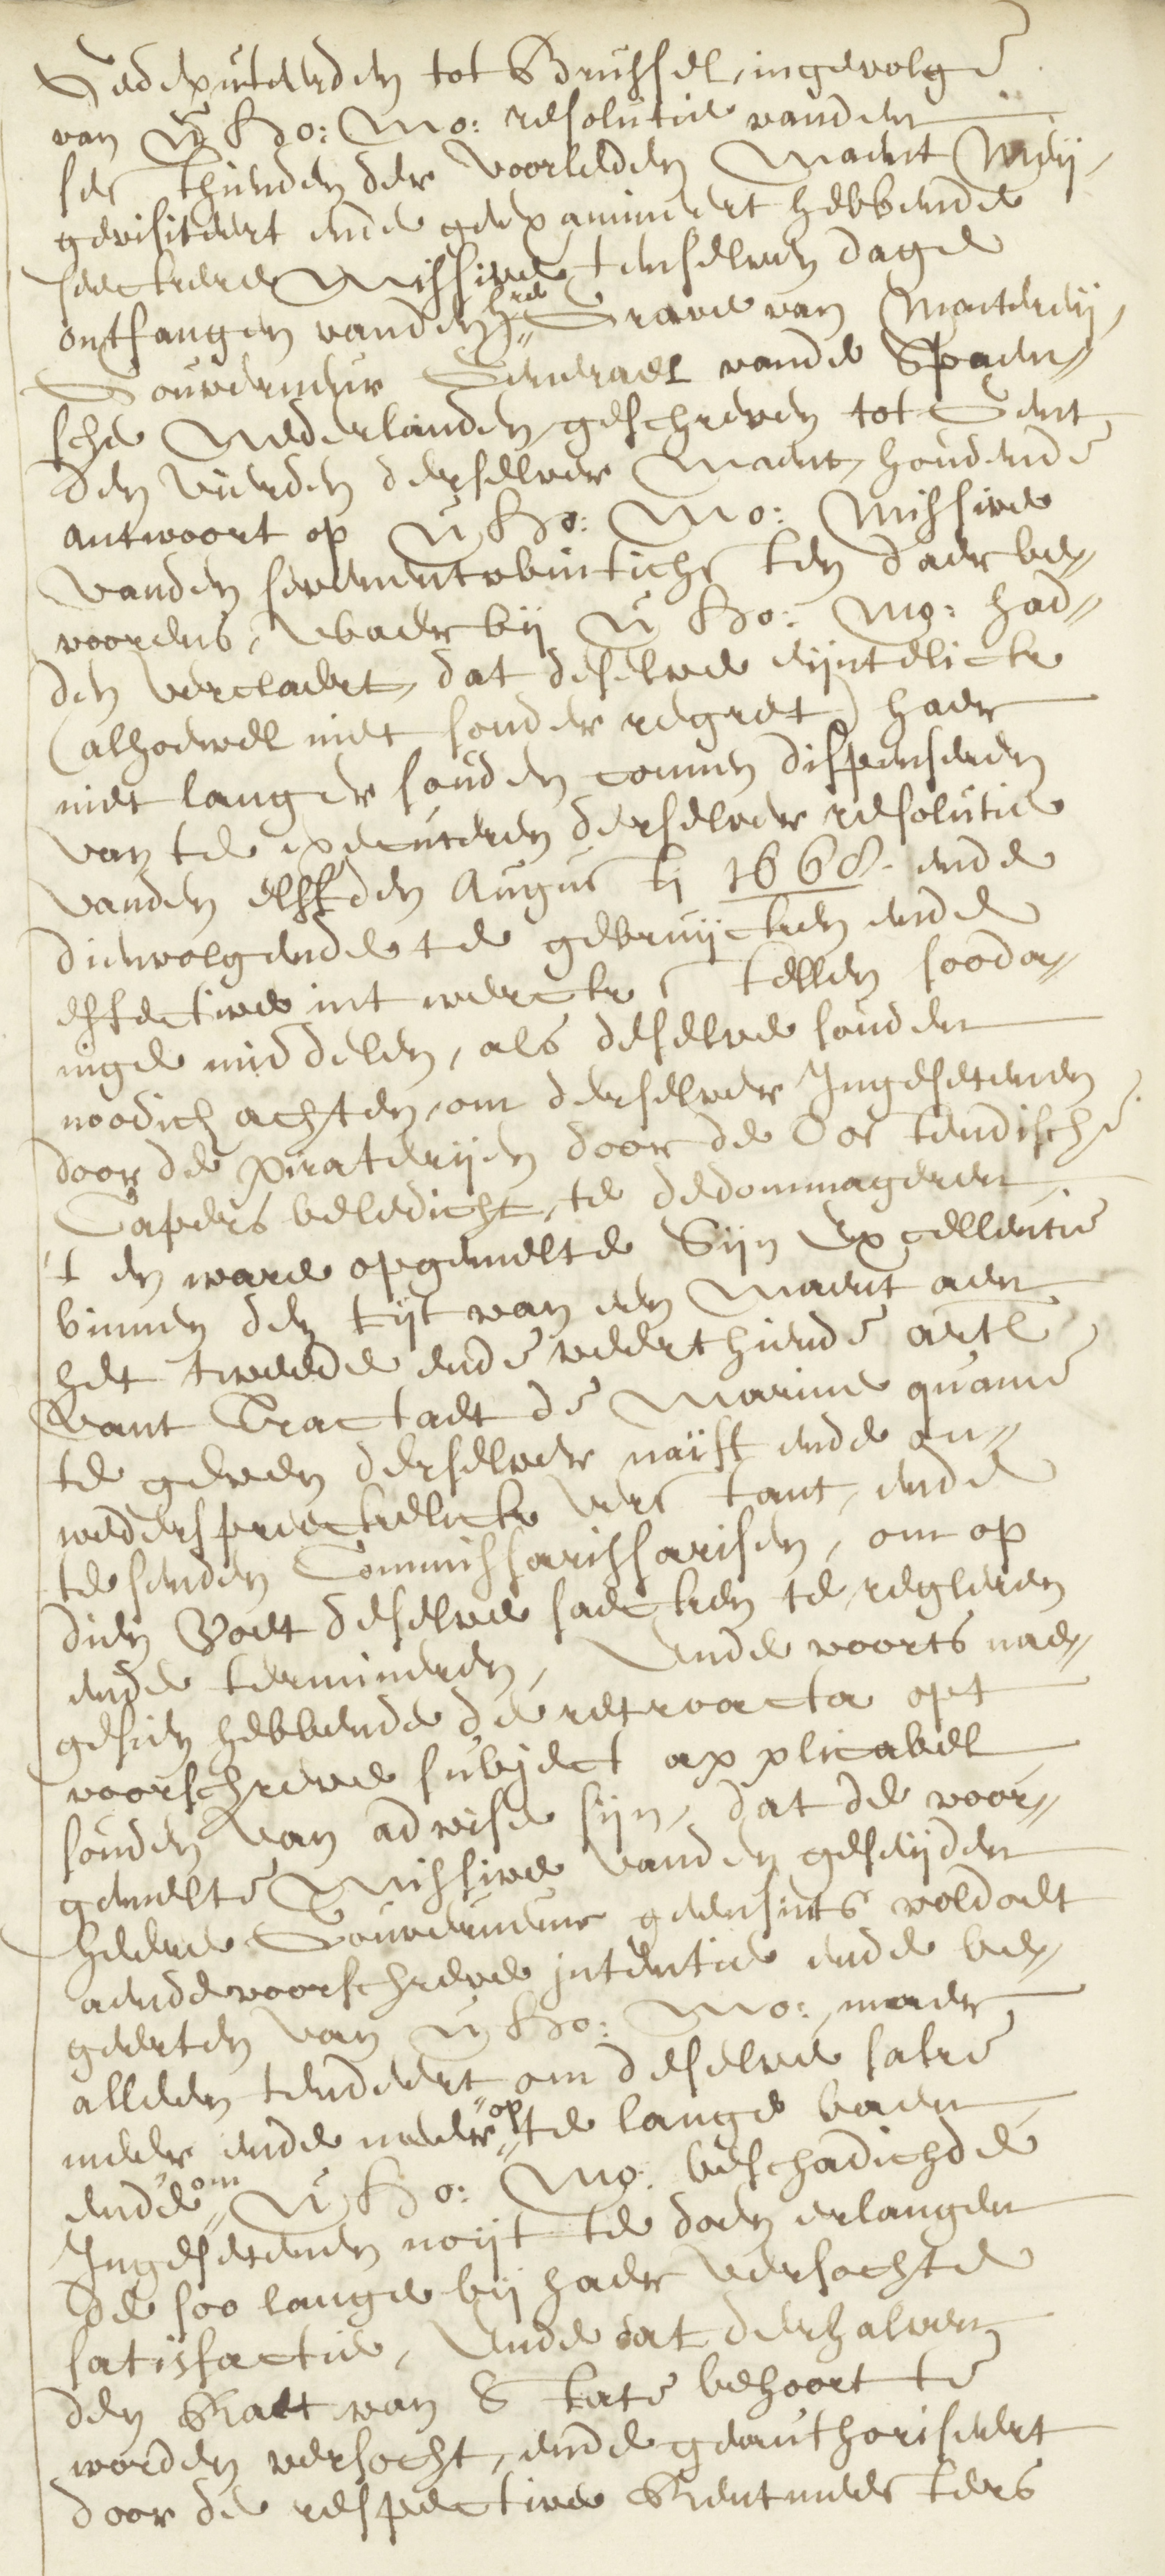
Gedeputeerden tot Brussel, ingevolge
van U Ho:Mo: resolutie vanden
sesthienden der voorleden Maent Meij,
gevisiteert ende geexamineert hebbende
seeckere Missive tenselven dage
ontfangen vanden Hre Grave van Montereij,
Gouverneur Generael vande Spaen„
sche Nederlanden, geschreven tot Gent
den vierden derselver Maent, houdende
antwoort op U Ho:Mo: Missive
vanden sevenentwintichsten daer be„
voorens, Waerbij U Ho:Mo: had„
den verclaert, dat deselve eijntelick
(alhoewel niet sonder regret) haer
niet langer souden connen dispenseren
van te executeren derselver resolutie
vanden elffden Augusti 1668. ende
dienvolgende te gebruijcken ende
effective int werck stellen sooda„
nige middelen, als deselve souden
noodich achten, om derselver Ingesetenen
door de piraterijen door de Oostendische
Capers beledicht, te dedommageren,
‛t en ware opgemelte Sijn Excellentie
binnen den tijt van een Maent aen
het tweede ende veerthiende artl
vant Tractaet de Marine quame
te geven derselver naϊff ende on„
wederspreeckelick verstant, ende
te schiden Commissarissarisen, om op
dien Voet deselve saecken te regleren
ende termineren. Ende voorts nae„
gesien hebbende de retroacta opt
voorschreve subject applicabel
souden van advise sijn, dat de voor„
gemelte Missive vanden geschijden
heere Gouverneur geensints voldoet
aende voorschreve Intentie ende be„
geerten van U Ho:Mo:, maer
alleen tendeert om deselve sake
meer ende meer op te lange baen
ende om U Ho:Mo: beschadichde
Ingesetenen noijt te doen erlangen
de soo lange bij haer versochte
satisfactie. Ende dat derhalven
den Raet van State behoort te
worden versocht, ende geauthoriseert
door de respective Rentmeesters
